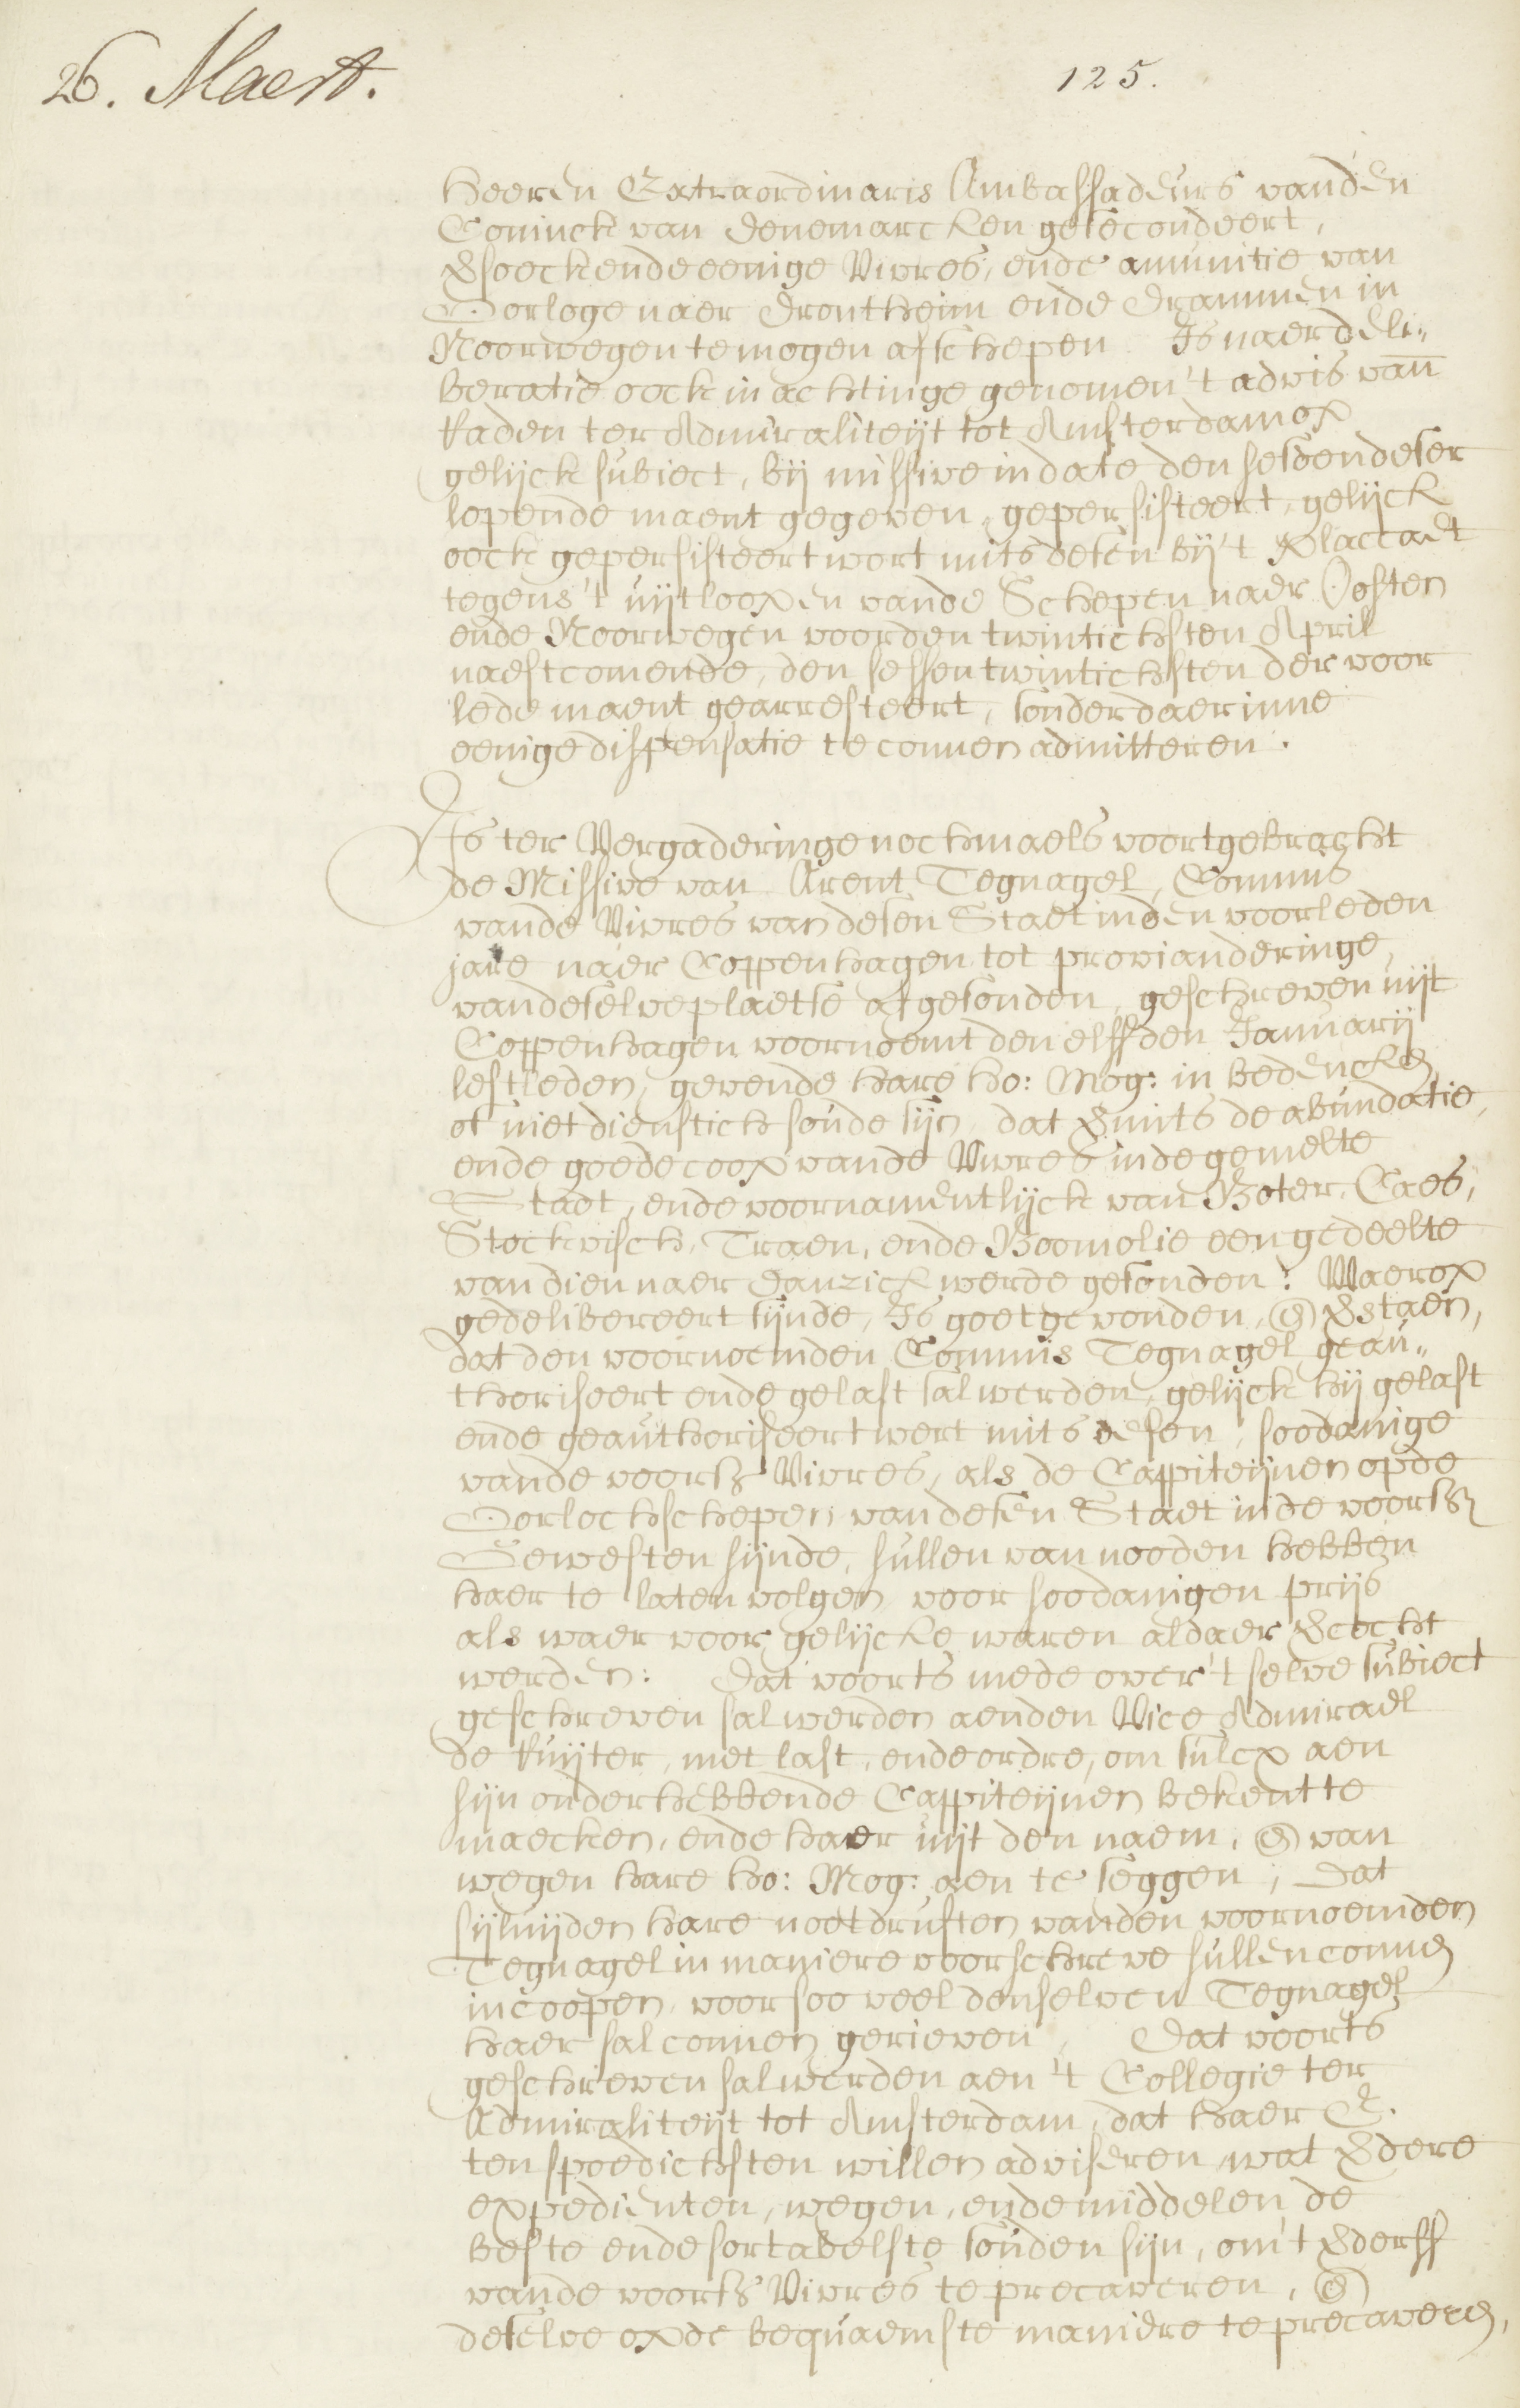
125.
26. Maert.
heeren Extraordinaris Ambassadeurs vanden
Coninck van Denemarcken gesecondeert,
vsoeckende eenige Vivres, ende amutie van
Oorloge naer Drontheim ende Drammen in
Noorwegen te mogen afschepen. Is naer deli„
beratie oock in achtinge genomen 't advis van
Raden ter Admiraliteijt tot Amsterdam op
gelijck subiect, bij missive indate den sesden deser
lopende maent gegeven, gepersisteert, gelijck
oock gepersisteert wort mits desen bij't Placcaet
tegens 't uijtloopen vande Schepen naer Oosten
ende Noorwegen voorden twintichsten April
naestcomende, den sessentwintichsten der voor
lede maent gearresteert, sonder daerinne
eenige dispensatie te connen admitteren.
Is ter Vergaderinge nochmaels voortgebracht
de Missive van Arent Tegnagel, Commis
vande Vivres van desen Staet inden voorleden
jare naer Coppenhagen tot provianderinge
van deselve plaetse afgesonden, geschreven uijt
Coppenhagen voornoemt den elffden Januarij
lestleden, gevende hare ho:Mog: in bedencken
of niet dienstich soude sijn, dat vmits de abundatie,
ende goede coop vande Vivres in de gemelte
Stadt, ende voornamentlijck van Boter, Caes,
Stockvisch, Traen, ende Boomolie een gedeelte
van dien naer Danzick werde gesonden: Waerop
gedelibereert sijnde, Is goetgevonden, & vstaen,
dat den voornoemden Commis Tegnagel geau,,
thoriseert ende gelast sal werden, gelijck hij gelast
ende geauthoriseert wert mits desen, soodanige
vande voors Vivres, als de Cappiteijnen opde
Oorlochschepen van desen Staet inde voors
Gewesten sijnde, sullen van nooden hebben
haer te laten volgen, voor soodanigen prijs
als waer voor gelijcke waren aldaer vcocht
werden: Dat voorts mede over 't selve subiect
geschreven sal werden aenden Vice Admirael
de Ruijter, met last, ende ordre, om sulcx aen
sijn onderhebbende Cappiteijnen bekent te
maecken, ende haer uijt den naem: & van
wegen hare ho:Mog: aen te seggen; Dat
sijluijden hare nootdruften vanden voornoemden
Tegnagel in maniere voorschreve sullen connen
incoopen, voor soo veel denselven Tegnagel
haer sal connen gerieven; Dat voorts
geschreven sal werden aen 't Collegie ter
Admiraliteijt tot Amsterdam dat haer E.
ten spoedichsten willen adviseren wat vdere
expedienten, wegen, ende middelen de
beste ende fortabelste souden sijn, om‛t vderff
vande voors Vivres te precaveren, &
deselve op de bequaemste maniere te precaveren
